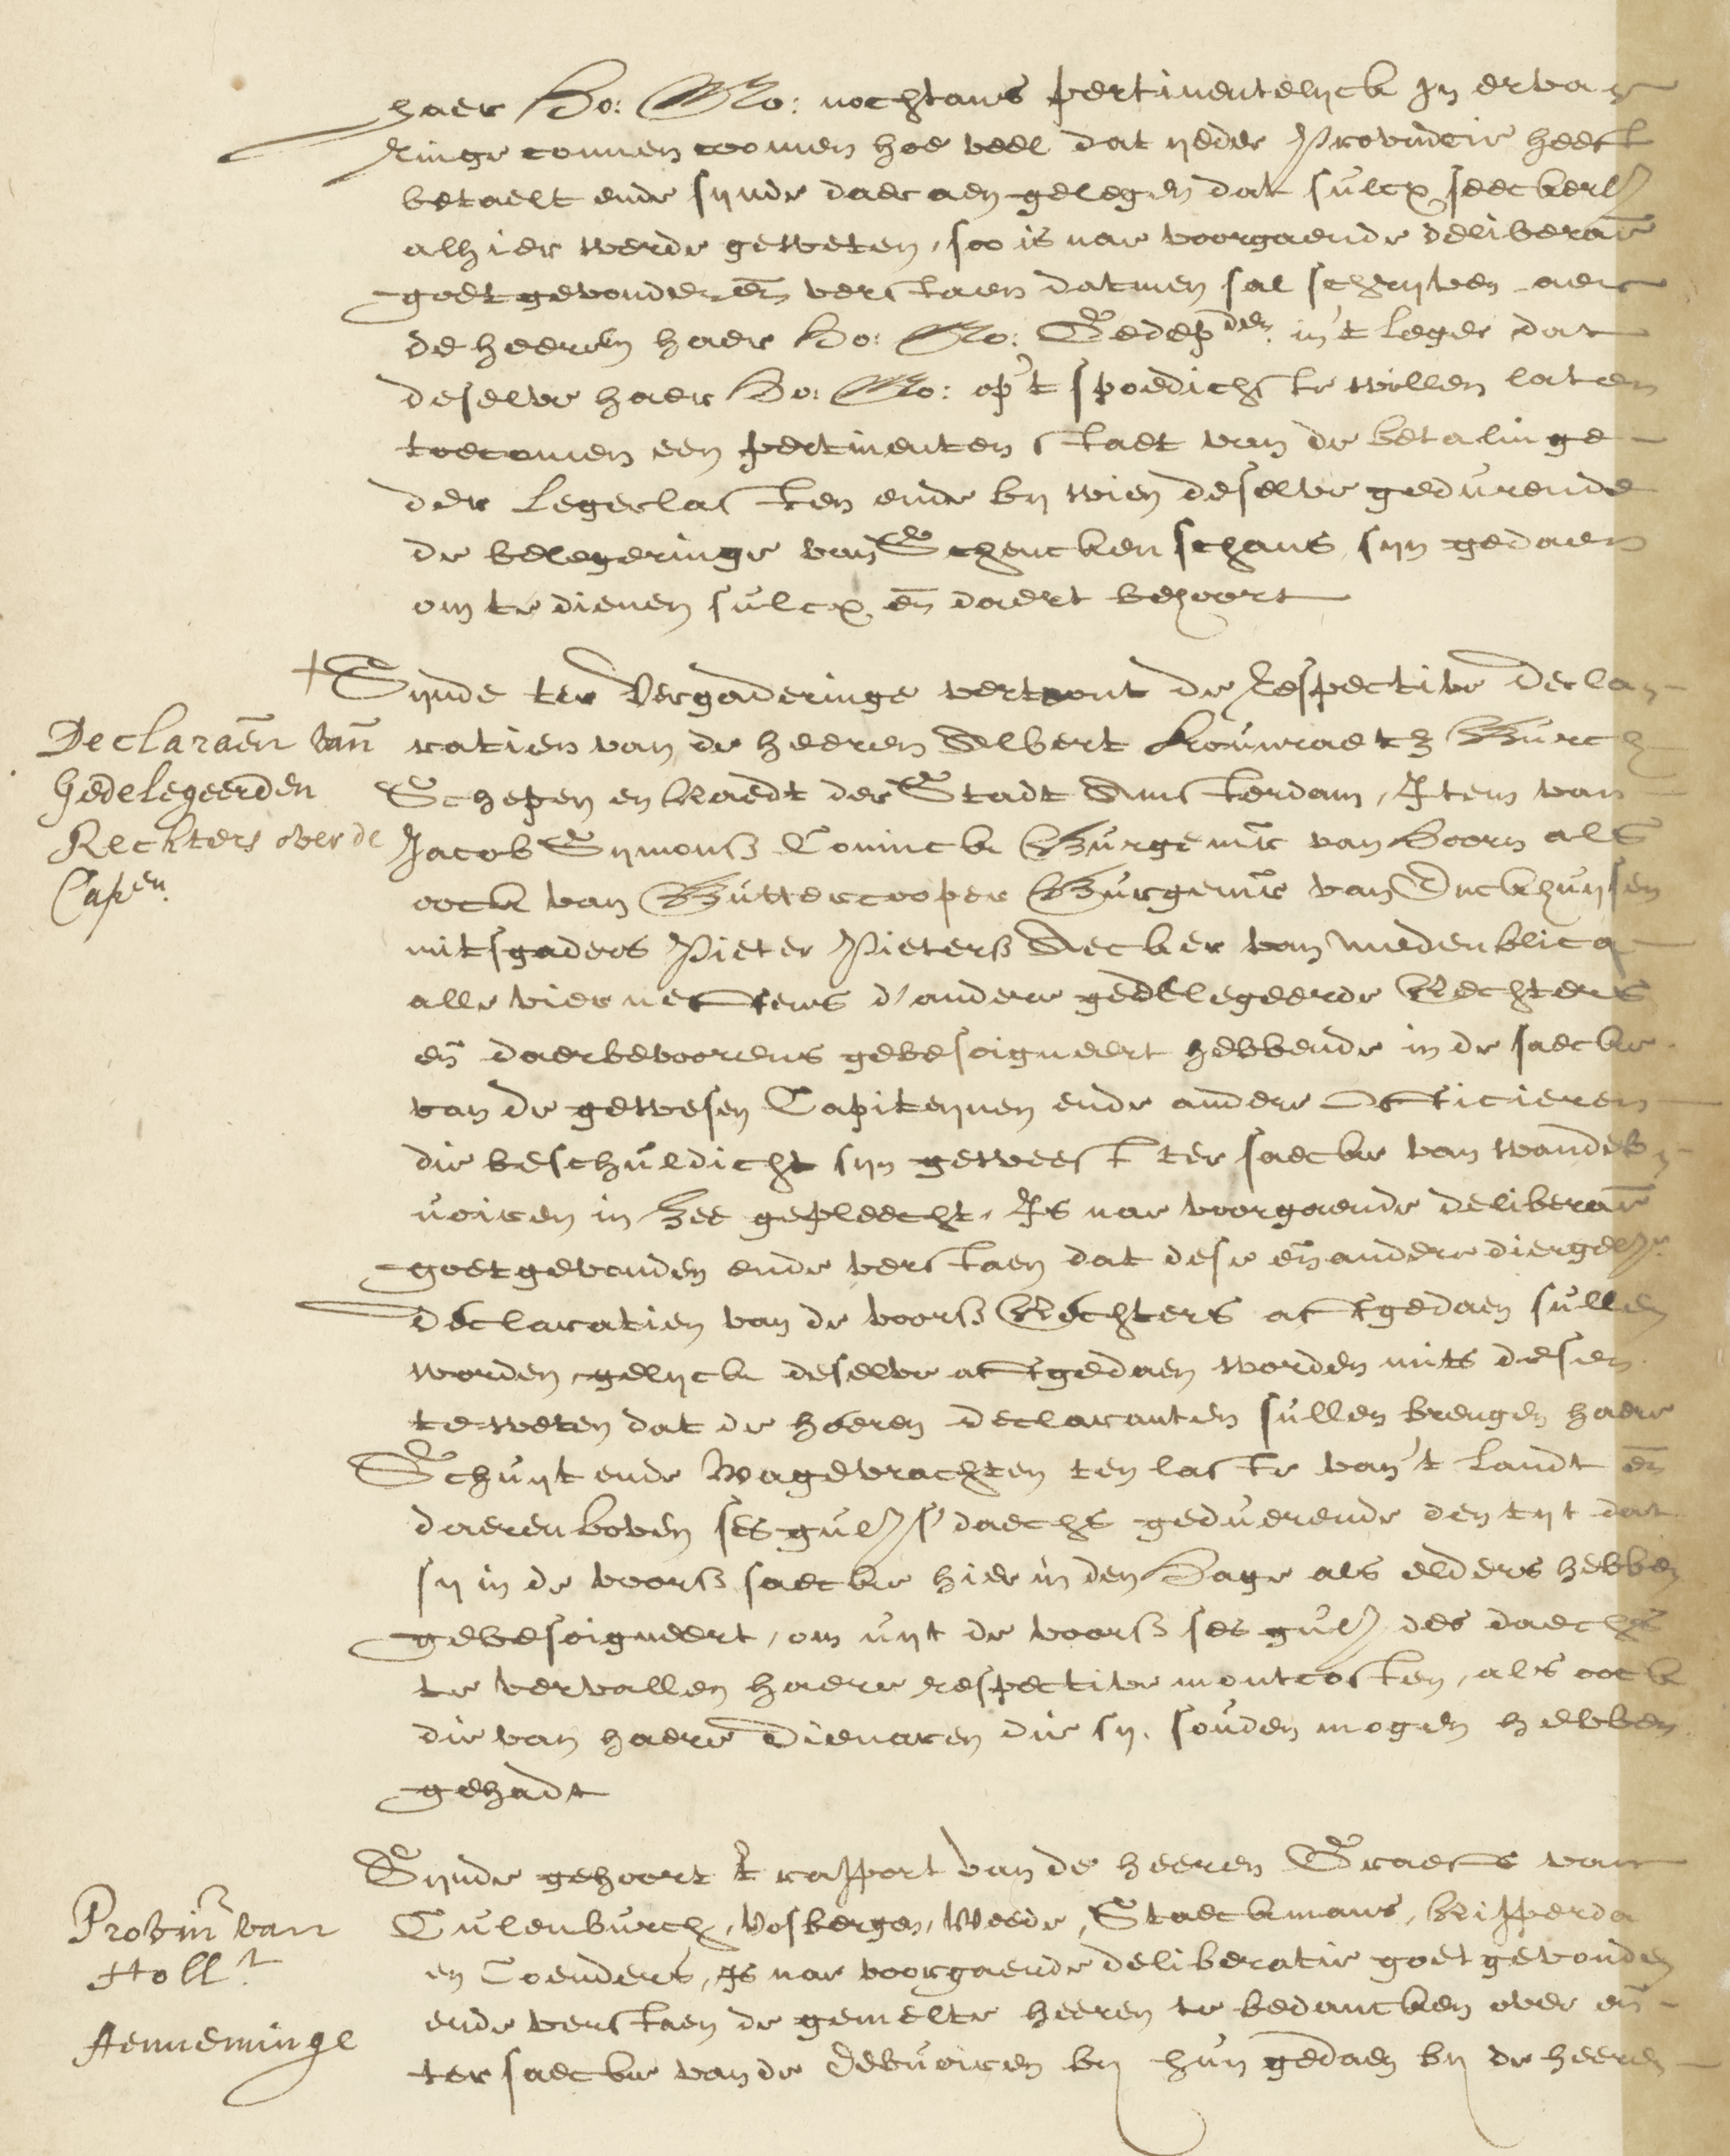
haer Ho:Mo: nochtans pertinentelyck in erva„
ringe connen coomen hoe veel dat yeder provincie heeft
betaelt ende synde daer aen gelegen dat sulcx seeckerl
alhier werde geweten, soo is nae voorgaende deliberae
goetgevonden en verstaen datmen sal schryven aen
de heeren haer Ho:Mo: Gedepden. in‛ t leger dat
deselve haer Ho:Mo: op 't spoedichste willen laten
toecomen een pertinenten staet van de betalinge
der Legerlasten ende by wien deselve gedurende
de belegeringe van Schencken schans syn gedaen
om te dienen sulcx en daert behoort
Declaraen van
Gedelegeerden
Rechters over de
Capen.
Synde ter Vergaderinge vertoont de respective decla„
ratien van de heeren Albert Kounraetz Burch
Schepen en Raedt der Stadt Amsterdam, Item van
Jacob Symonss Coninck Burgemr van Hoorn als
oock van Buttercooper Burgemr van Enckhuysen
mitsgaders Pieter Pieters Aecker van medenblicq
alle vier neffens d'andere gedelegeerde rechtens
en daerbevoorens gebesoigneert hebbende in de saecke
van de gewesen Capiteynen ende andere Officieren
die beschuldicht syn geweest ter saecke van wandeb„
uoiren in Zee gepleecht. Is nae voorgaende deliberae
goetgevonden ende verstaen dat dese en andere diergeln.
declaratien van de voors Rechters affgedaen sullen
worden gelyck deselve affgedaen worden mits desen
te weten dat de heeren declaranten sullen brengen haer
Schuyt ende Wagevrachten ten laste van 't Landt en
daeren boven ses gul s‛daechs geduerende den tyt dat
sy in de voors saecke hier in den Hage als elders hebben
gebesoigneert, om uyt de voors ses gul des daechs
te vervallen haere respective montcosten, als oock
die van haere Dienaren die sy souden mogen hebben
gehadt.
Provin van
Hollt.
Aenneminge
Synde gehoort t rapport van de heeren Graeff van
Culenburch, Vosbergen, Weede, Staeckmans, Ripperda
en Coenders. Is nae voorgaende deliberatie goetgevonden
ende verstaen de gemelte heeren te bedancken over en
ter saecke van de Debuoiren by hun gedaen by de heeren
